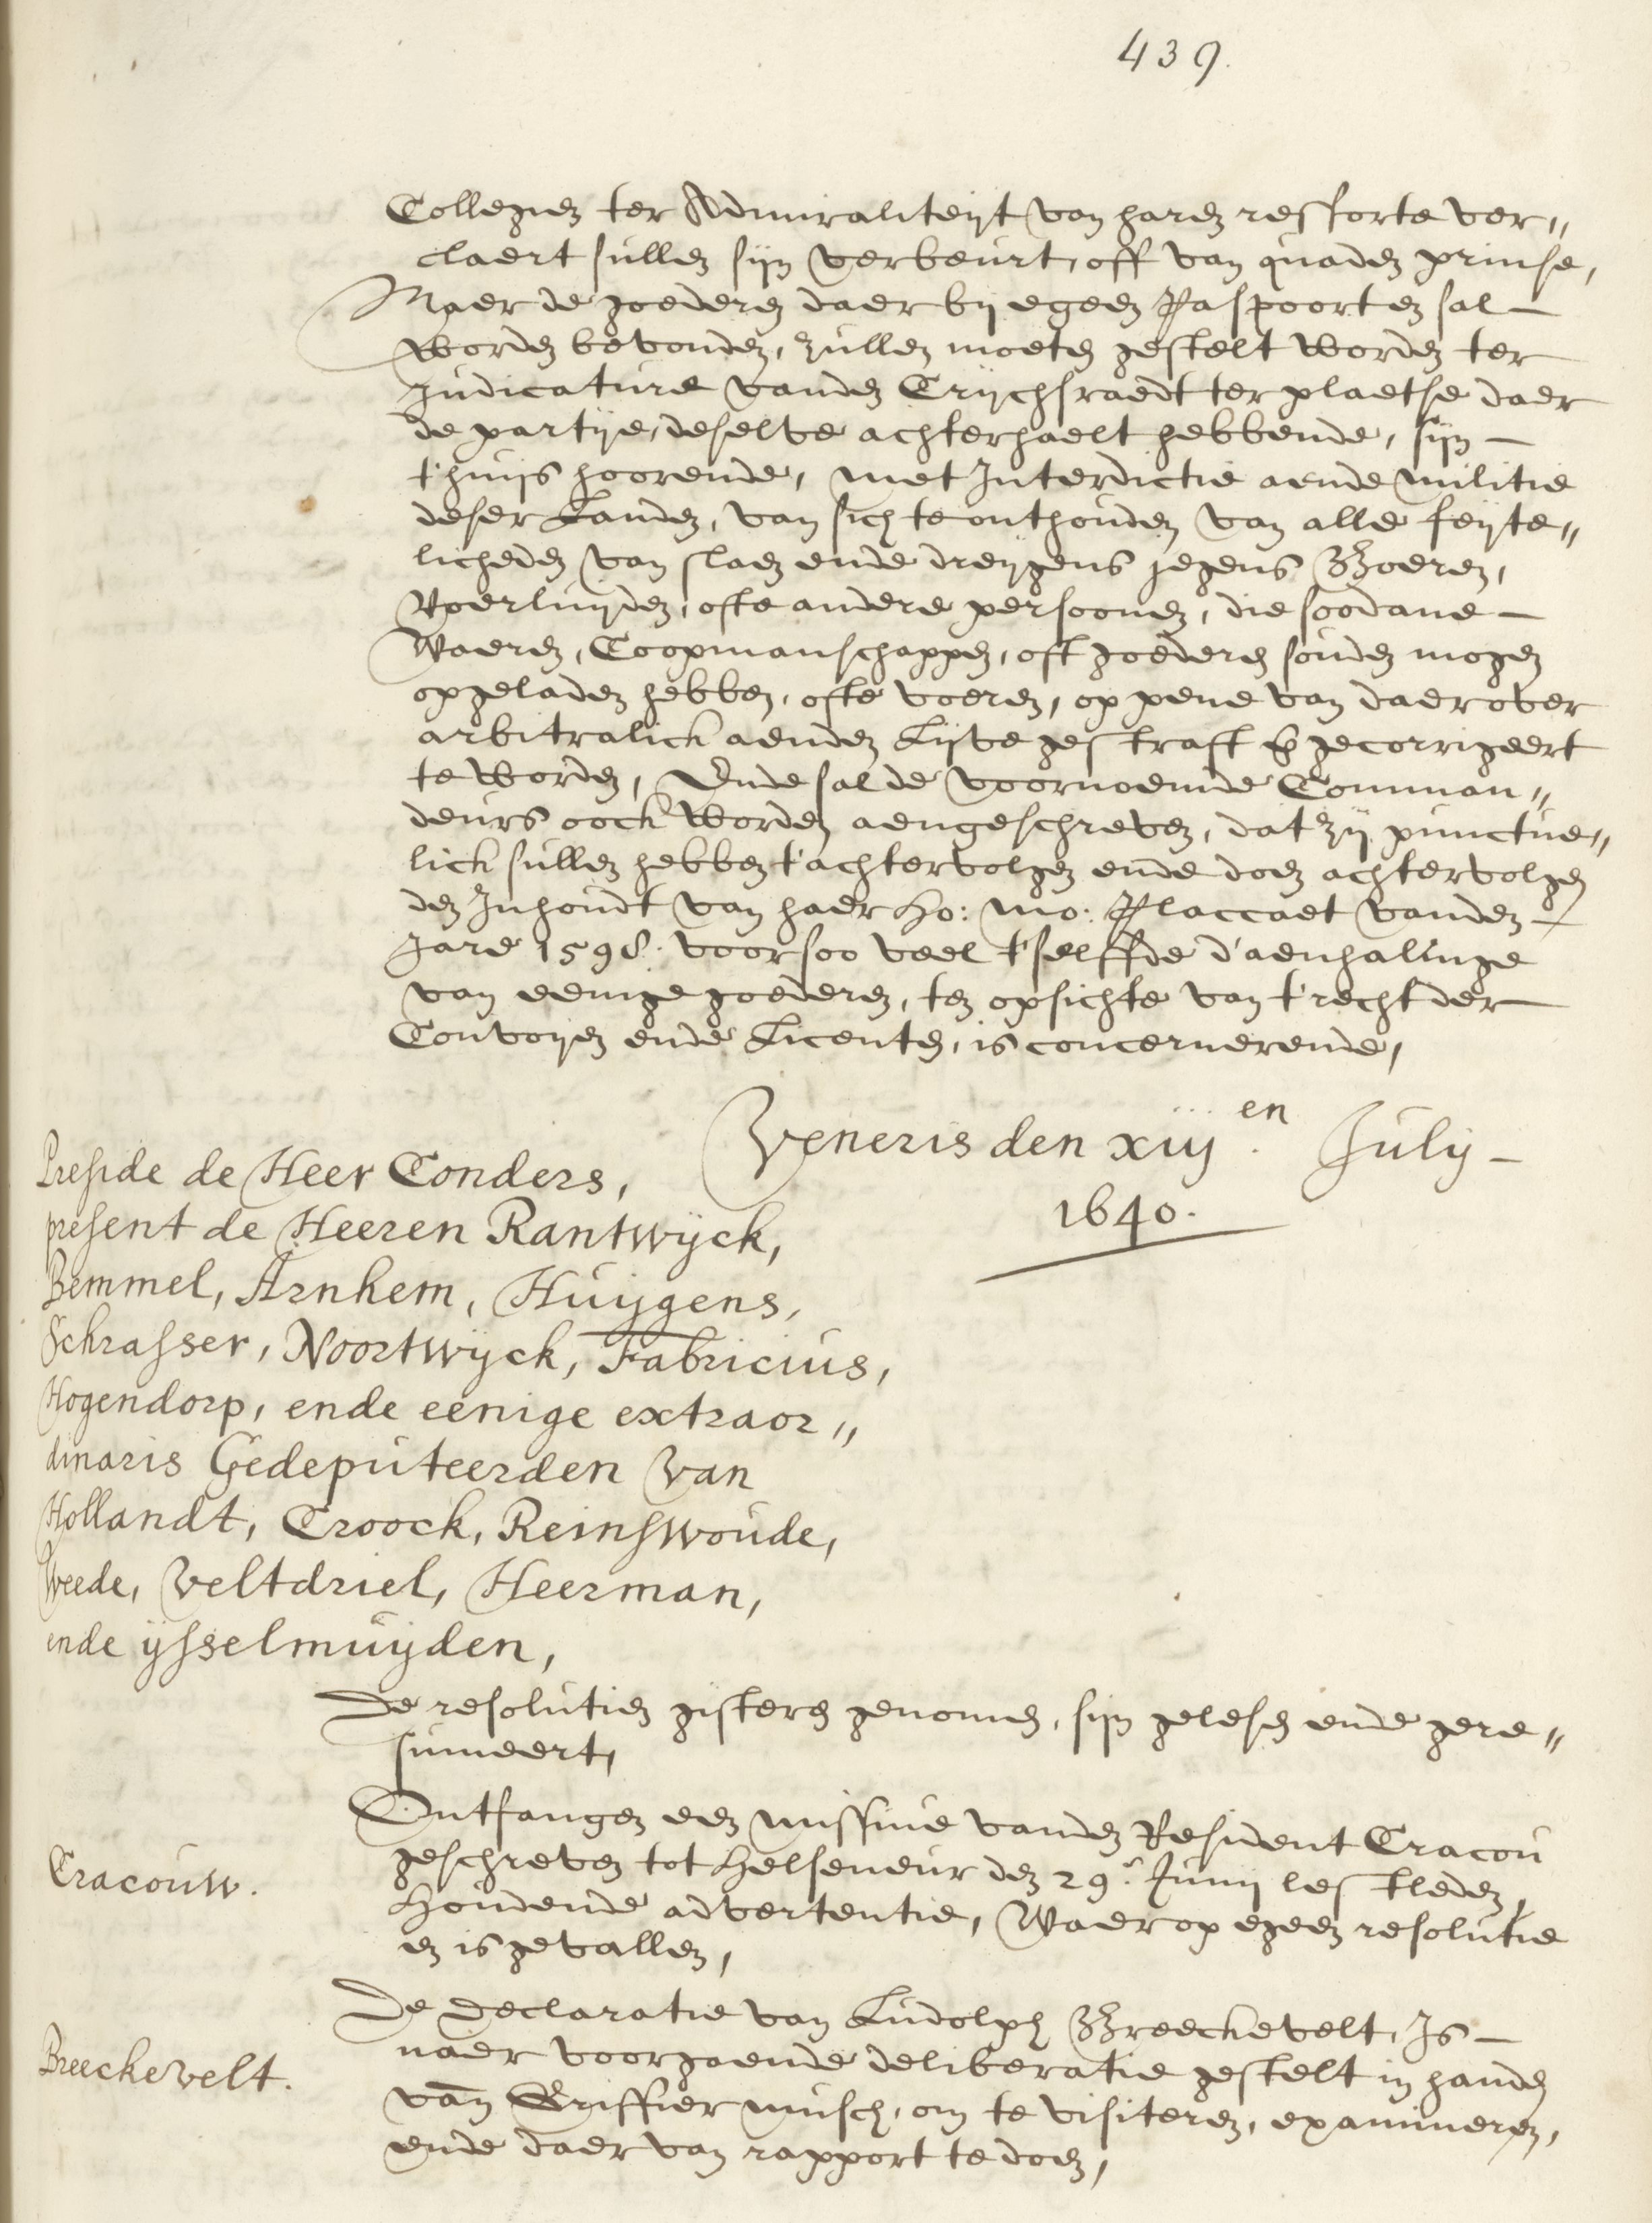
439.
Collegien ter Admiraliteijt van haren ressorte ver„
claert sullen sijn verbeurt, off van quaden prinse,
Maer de goederen daerbij egeen paspoort en sal
worden bevonden, zullen moeten gestelt worden ter
Judicature vanden Crijchsraedt ter plaetse daer
de partije, deselve achterhaelt hebbende, sijn —
thuijs hoorende, met Interdictie aende militie
deser Landen, van sich te onthouden van alle feijte„
licheden van slaen ende dreijgens jegens Boeren,
Voerluijden, ofte andere persoonen, die soodane
Waeren, Coopmanschappen, off goederen souden mogen
opgeladen hebben, ofte voeren, op pene van daerover
arbitralick aenden Lijve gestraft & gecorrigeert
te worden. Ende sal de voornoemde Comman„
deurs oock worden aengeschreven, dat zij punctue„
lick sullen hebben t'achtervolgen ende doen achtervolgen
den Inhoudt van haer Ho:Mo: Placcaet vanden —
jare 1598 voor soo veel t'selffde d'aenhalinge
van eenige goederen, ten opsichte van t'recht der
Convoijen ende Licenten, is concernerende.
Veneris den xiijen. Julij-
1640.
Preside de Heer Conders,
present de Heeren Rantwijck,
Bemmel, Arnhem, Huijgens,
Schrasser, Noortwijck, Fabricius,
Hogendorp, ende eenige extraor„
dinaris Gedeputeerden van
Hollandt, Croock, Reinswoude,
Weede, Veltdriel, Heerman,
ende ijsselmuijden,
De resolutien gisteren genomen, sijn gelesen ende gere„
sumeert.
Cracouw.
Ontfangen een missive vanden Resident Cracou
geschreven tot Helseneur den 29e. Junij lestleden,
houdende advertentie. Waerop egeen resolutie
en is gevallen.
Breeckevelt.
De declaratie van Ludolph Breeckevelt, Is
naer voorgaende deliberatie gestelt in handen
van Griffier Musch, om te visiteren, examineren,
ende daer van rapport te doen.
